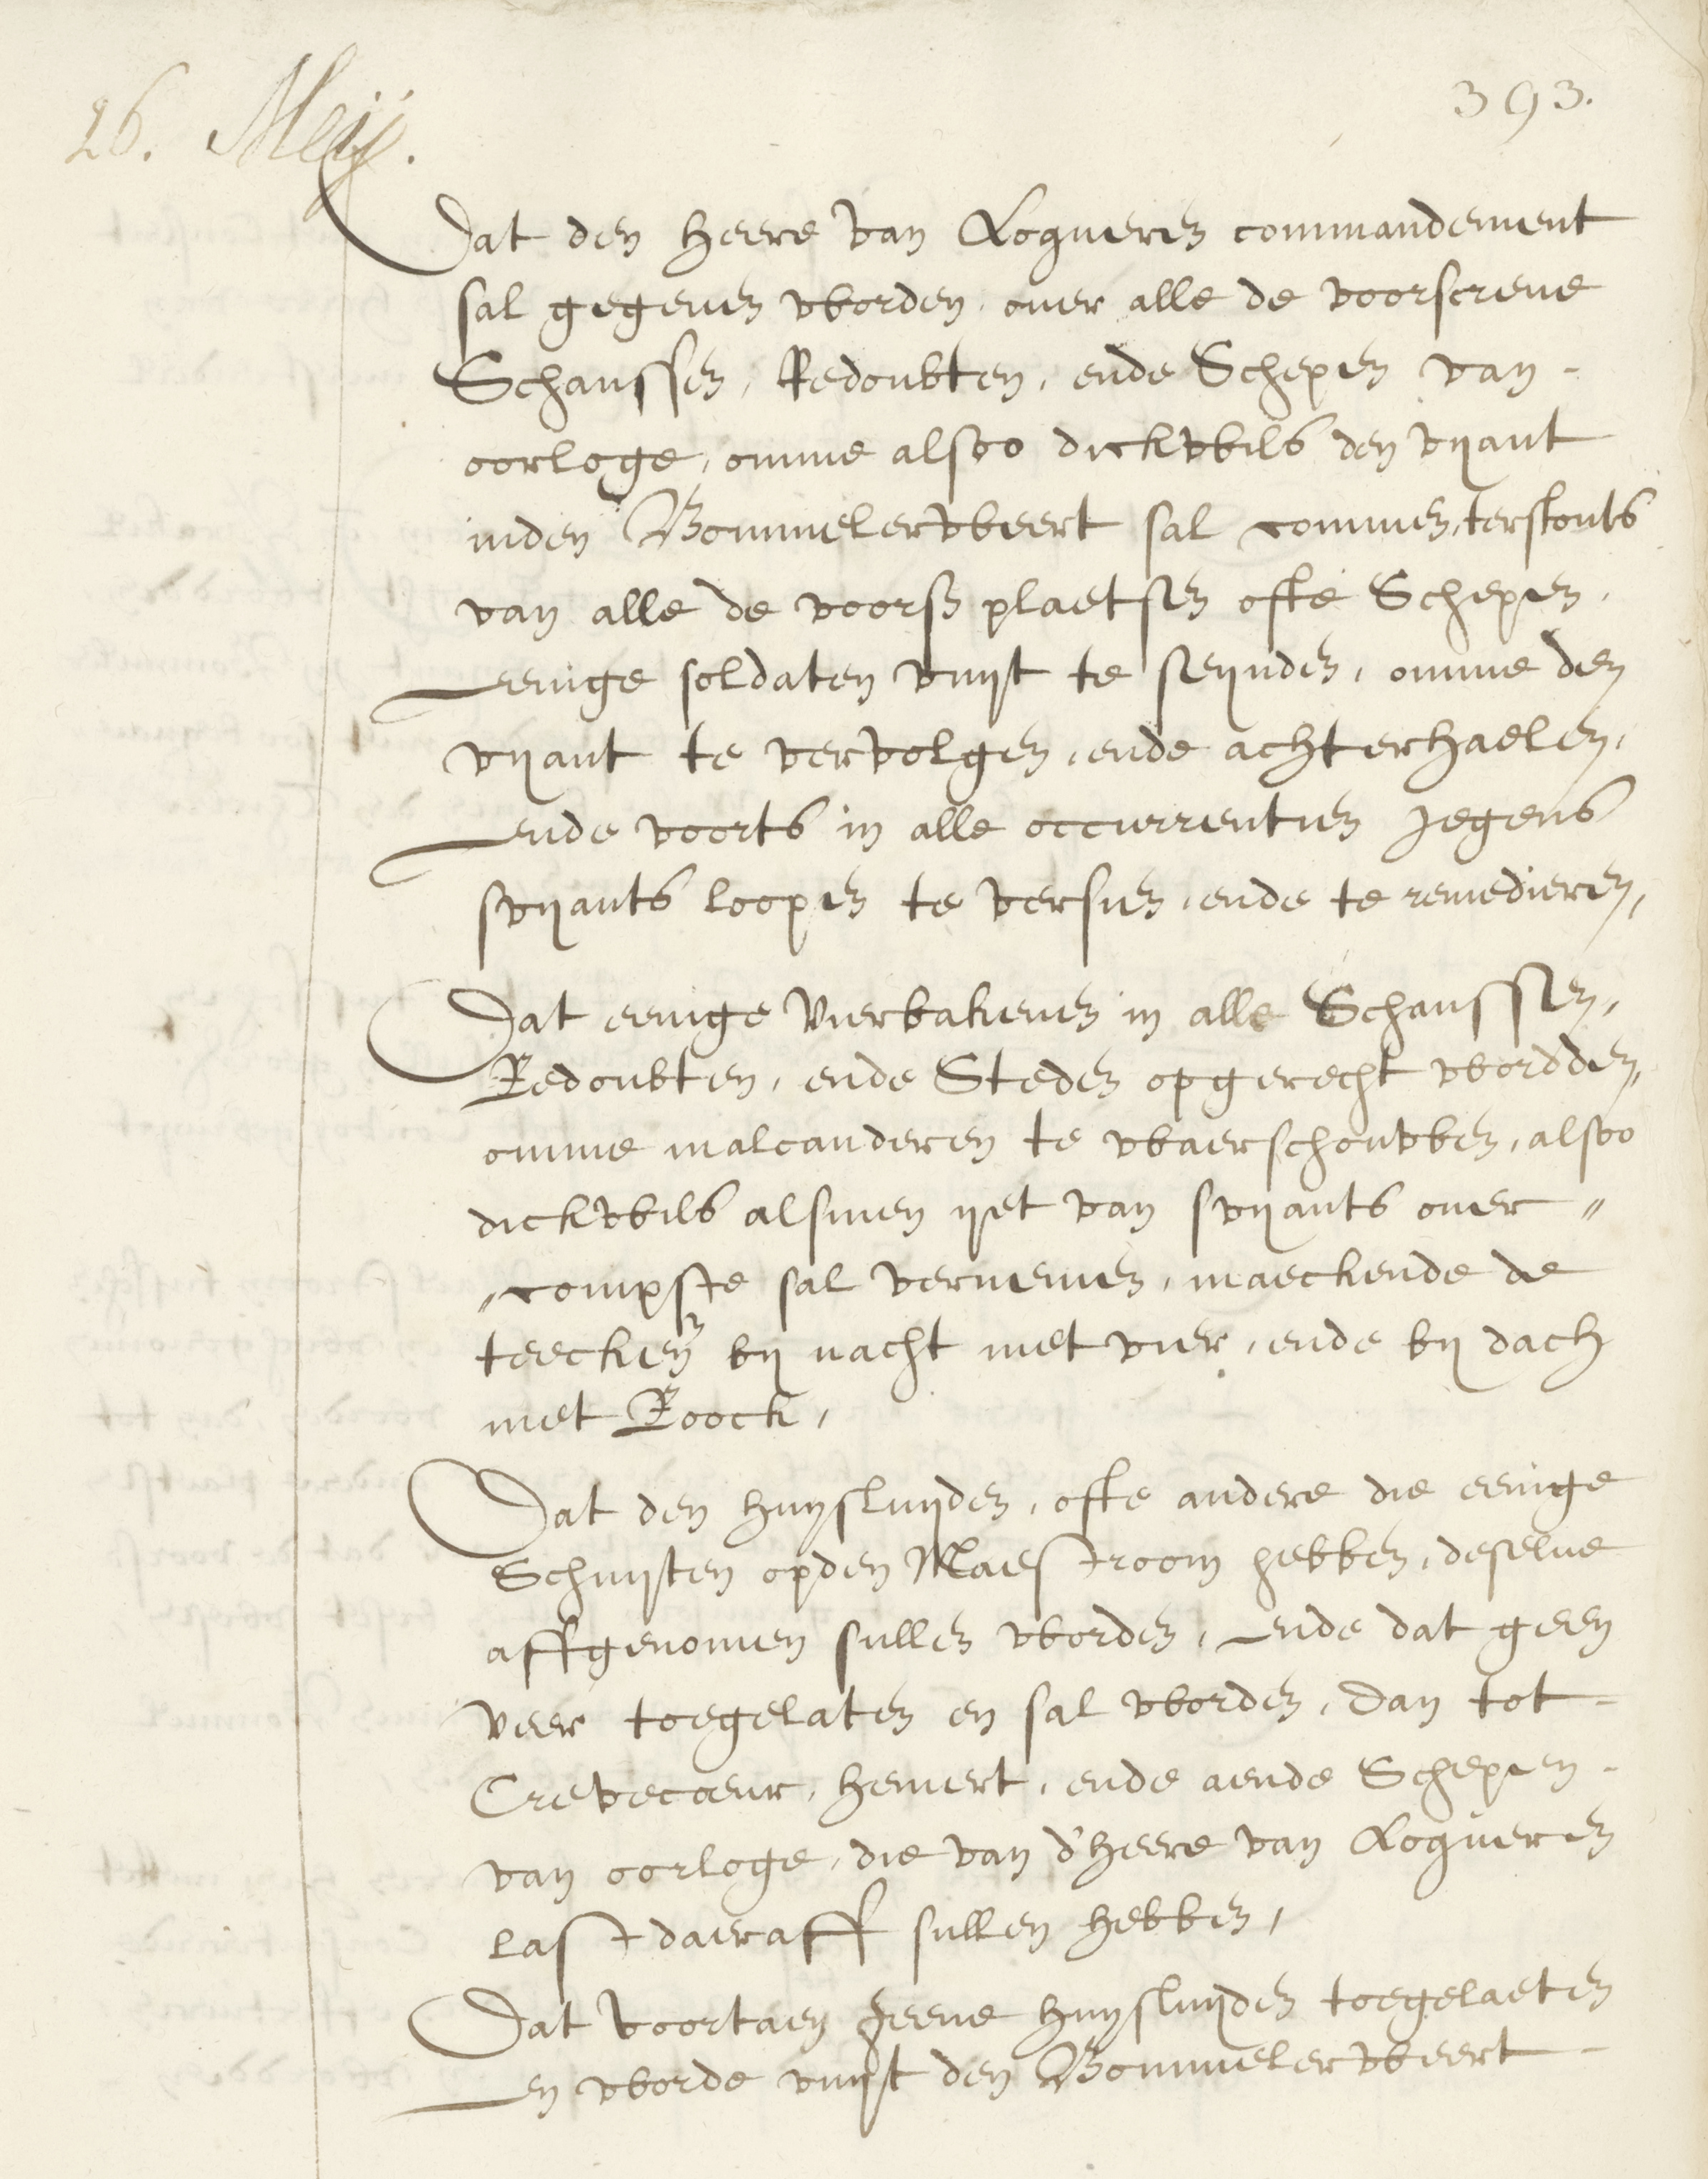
393.
26. Meij
Dat den heere van Loqueren commandement
sal gegeuen worden ouer alle de voorscreue
Schanssen, Redoubten ende Schepen van
oorloge, omme alsoo dickwils den vyant
inden Bommelerweert sal commen, terstonts
van alle de voors plaetsen ofte Schepen
eenige soldaten vuyt te seynden, omme den
vyant te vervolgen, ende achterhaelen,
ende voorts in alle occurrentien jegens
svyants loopen te versien, ende te remedieren.
Dat eenige vuerbakenen in alle Schanssen,
Redoubten, ende Steden opgerecht wordden,
omme malcanderen te waerschouwen, alsoo
dickwils alsmen yet van svyants ouer„
,,compste sal vernemen, maeckende de
teecken bij nacht met vuer, ende bij dach
met Roock.
Dat den huysluyden, ofte andere die eenige
Schuyten opden Maestroom hebben, deselue
affgenomen sullen worden, ende dat geen
veer toegelaten en sal worden, dan tot
Crevecoeur, Hemert ende aende Schepen
van oologe, die van d'heere van Loqueren
last daeraff sullen hebben.
Dat voortaen geene huysluyden toegelaeten
en worde vuyt den Bommelerweert
